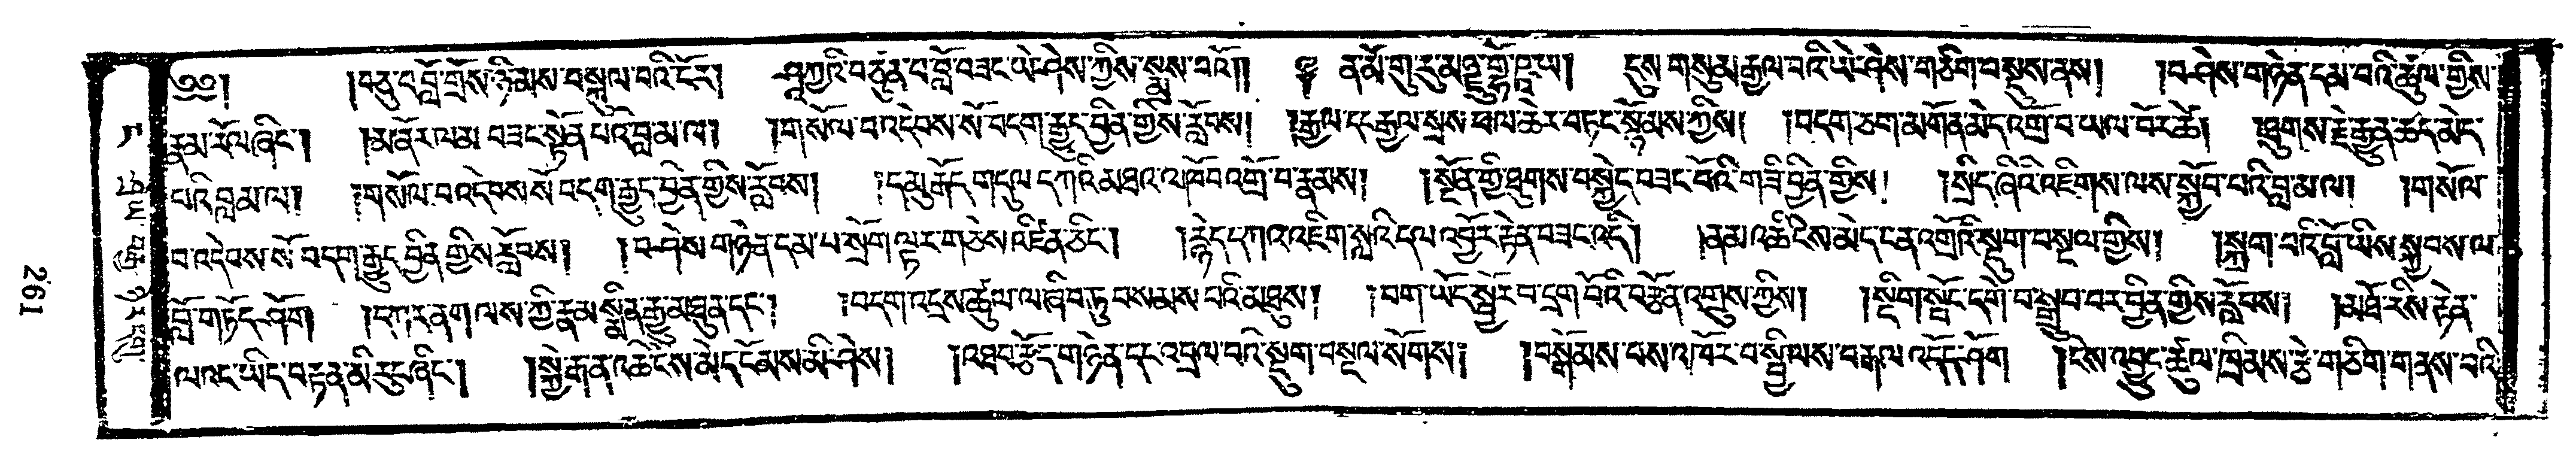༄༅། །བཅུ་བ་བློ་གྲོས་ཉི་མས་བསྐུལ་བའི་ངོར། ཤཱཀྱའི་བཙུན་པ་བློ་བཟང་ཡེ་ཤེས་ཀྱིས་སྨྲས་པའོ།། ༈ ན་མོ་གུ་རུ་མཉྫུ་གྷོ་ཥཱ་ཡ། དུས་གསུམ་རྒྱལ་བའི་ཡེ་ཤེས་གཅིག་བསྡུས་ནས། །བཤེས་གཉེན་དམ་པའི་ཚུལ་གྱིས་
རྣམ་རོལ་ཞིང་། །མ་ནོར་ལམ་བཟང་སྟོན་པའི་བླ་མ་ལ། །གསོལ་བ་འདེབས་སོ་བདག་རྒྱུད་བྱིན་གྱིས་རློབས། །རྒྱལ་དང་རྒྱལ་སྲས་ཕལ་ཆེར་བཏང་སྙོམས་ཀྱིས། །བདག་ཅག་མགོན་མེད་འགྲོ་བ་ཡལ་བོར་ཚེ། །ཐུགས་རྗེ་རྒྱུན་ཚད་མེད་
པའི་བླ་མ་ལ། །གསོལ་བ་འདེབས་སོ་བདག་རྒྱུད་བྱིན་གྱིས་རློབས། །དམུ་རྒོད་གདུལ་དཀའི་མཐའ་འཁོབ་འགྲོ་བ་རྣམས། །སྔོན་གྱི་ཐུགས་བསྐྱེད་བཟང་པོའི་གཟི་བྱིན་གྱིས། །སྲིད་ཞིའི་འཇིགས་ལས་སྐྱོབ་པའི་བླ་མ་ལ། །གསོལ་
བ་འདེབས་སོ་བདག་རྒྱུད་བྱིན་གྱིས་རློབས། །བཤེས་གཉེན་དམ་པ་སྲོག་ལྟར་གཅེས་འཛིན་ཅིང་། །རྙེད་དཀའ་འཇིག་སླའི་དལ་འབྱོར་རྟེན་བཟང་འདི། །ནམ་འཆི་ངེས་མེད་ངན་འགྲོའི་སྡུག་བསྔལ་གྱིས། །སྐྲག་པའི་བློ་ཡིས་སྐྱབས་ལ་
བློ་གཏོད་ཤོག །དཀར་ནག་ལས་ཀྱི་རྣམ་སྨིན་རྒྱུ་མཐུན་དང་། །བདག་འདྲས་ཚུལ་ལ་ཞིབ་ཏུ་བསམས་པའི་མཐུས། །བག་ཡོད་སྦྱོར་བ་དྲག་པོའི་བརྩོན་འགྲུས་ཀྱིས། །སྡིག་སྤོང་དགེ་བ་སྒྲུབ་པར་བྱིན་གྱིས་རློབས། །མཐོ་རིས་རྟེན་
ལའང་ཡིད་བརྟན་མི་རུང་ཞིང་། །སྐྱེ་རྒ་ན་འཆི་ངེས་མེད་ངོམས་མི་ཤེས། །འཐབ་རྩོད་གཉེན་དང་འབྲལ་བའི་སྡུག་བསྔལ་སོགས། །བསྒོམས་པས་འཁོར་བ་སྤྱི་ལས་བརྒལ་འདོད་ཤོག །ངེས་འབྱུང་ཚུལ་ཁྲིམས་རྩེ་གཅིག་གནས་པའི་